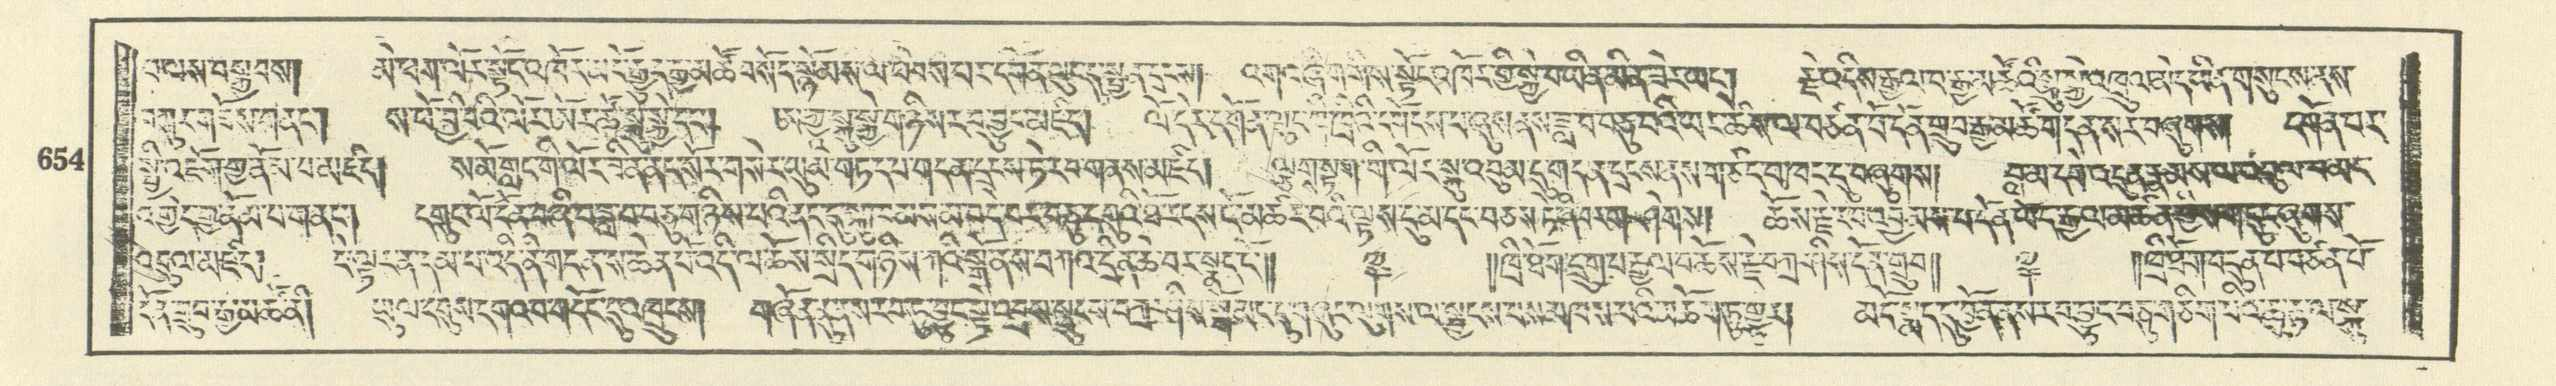བ་ལས་བསྐྱབས། མེ་ཕག་ལོར་སྟོང་འཁོར་མདོ་རྒྱུད་རྒྱ་མཚོ་བསོད་སྙོམས་ལ་ཕེབས་པར་དགོན་ལུང་དུ་སྤྱན་དྲངས། འགའ་ཞིག་གིས་སྟོང་འཁོར་གྱི་སྐྱེ་བ་ཡིན་མིན་ཟེར་ཡང་། རྗེ་འདིས་རྒྱལ་བ་རྒྱ་མཚོའི་སྐུ་སྐྱེ་འཁྲུལ་མེད་ཡིན་གསུངས་ནས་
བཀུར་གཟོས་གནང་། ས་ཕོ་བྱི་བའི་ལོར་ཨོར་ཚེ་སྐུ་སྐྱེ་དང་། ཨ་ཀྱཱ་སྐུ་སྐྱེ་གཉིས་རབ་བྱུང་མཛད། ལོ་དེར་དགོན་ལུང་གི་ཁྲིའི་དགོངས་པ་ཞུས་ནས་ཟླ་བ་བཅུ་བའི་ཡར་ཚེས་ལ་བཙན་པོ་དོན་གྲུབ་རྒྱ་མཚོ་གདན་སར་བཞུགས། དགོན་པར་
སྤྱི་འཇོག་གྱ་ནོམ་པ་མཛད། ས་མོ་གླང་གི་ལོར་ཟིན་ནང་སོར་གསེར་ཡུམ་གཏད་པ་གདན་དྲངས་ཏེ་རབ་གནས་མཛད། ལྕགས་སྟག་གི་ལོར་སྐུ་འབུམ་དུ་གདན་དྲངས་ནས་གཙང་བ་ཁང་དུ་བཞུགས། བླ་མ་དགེ་འདུན་རྣམས་ལ་འབུལ་བ་མང་
འགྱེད་གྱ་ནོམ་པ་གནང་། དགུང་ལོ་དོན་བཞི་པ་ཟླ་བ་བཅུ་གཉིས་པའི་ནང་དུ་སྐུ་ཁམས་མ་བདེ་བར་བཅུ་དགུའི་ཐོ་རངས་ངོ་མཚར་བའི་ལྟས་དུ་མ་དང་བཅས་ཏེ་ཞི་བར་གཤེགས། ཆོས་རྗེ་རབ་འབྱམས་པ་དོན་ཡོད་རྒྱལ་མཚན་གྱིས་གདུང་ཞུགས་
འབུལ་མཛད། དེ་ལྟར་ན་དམ་པ་འདི་ནི་གདན་ས་ཆེན་པོ་འདི་ལ་ཆོས་སྲིད་གཉིས་ཀའི་སྒོ་ནས་བཀའ་དྲིན་ཆེ་བར་སྣང་ངོ།། ༈ །།ཁྲི་ཐོག་དྲུག་པ་རྒྱལ་བ་ཆོས་རྗེ་བཀྲ་ཤིས་དོན་གྲུབ།། ༈ །།ཁྲི་ཐོག་བདུན་པ་བཙན་པོ་
དོན་གྲུབ་རྒྱ་མཚོ་ནི། ཡུལ་དབུས་དགའ་བ་གདོང་དུ་འཁྲུངས། གཞོན་ནུ་ནས་རབ་ཏུ་བྱུང་སྟེ་འབྲས་སྤུངས་བཀྲ་ཤིས་སྒོ་མང་དུ་གཞུང་ལུགས་ལ་སྦྱངས་པས་མཁས་པའི་མཆོག་ཏུ་གྱུར། མདོ་སྨད་དུ་བྱོན་ནས་རབ་བྱུང་བཅུ་གཅིག་པའི་ཆུ་རྟ་ལ་སྐུ་